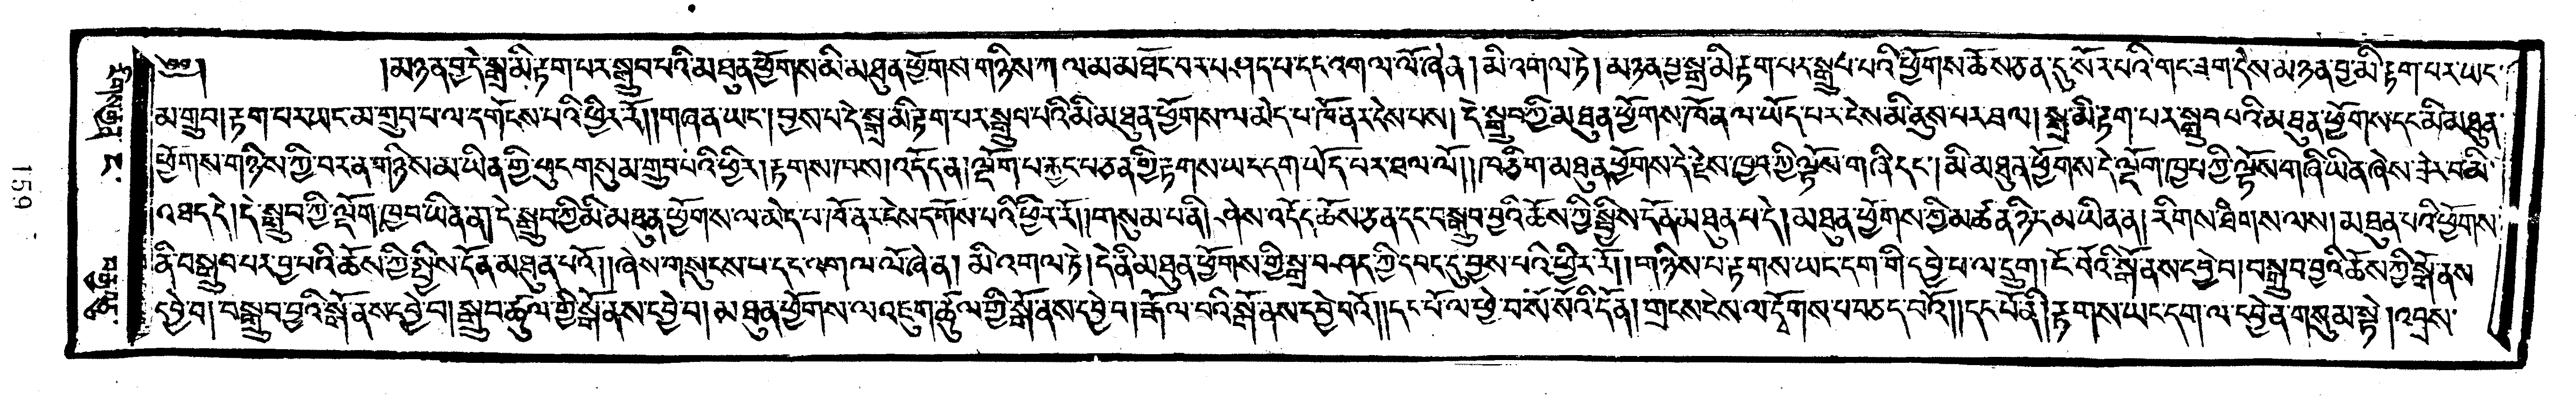༄༅། །མཉན་བྱ་དེ་སྒྲ་མི་རྟག་པར་སྒྲུབ་པའི་མཐུན་ཕྱོགས་མི་མཐུན་ཕྱོགས་གཉིས་ཀ་ལ་མ་མཐོང་བར་བཤད་པ་དང་འགལ་ལོ་ཞེ་ན། མི་འགལ་ཏེ། མཉན་བྱ་སྒྲ་མི་རྟག་པར་སྒྲུབ་པའི་ཕྱོགས་ཆོས་ཅན་དུ་སོང་བའི་གང་ཟག་དེས་མཉན་བྱ་མི་རྟག་པར་ཡང་
མ་གྲུབ། རྟག་པར་ཡང་མ་གྲུབ་པ་ལ་དགོངས་པའི་ཕྱིར་རོ། །གཞན་ཡང་། བྱས་པ་དེ་སྒྲ་མི་རྟག་པར་སྒྲུབ་པའི་མི་མཐུན་ཕྱོགས་ལ་མེད་པ་ཁོ་ནར་ངེས་པས། དེ་སྒྲུབ་ཀྱི་མཐུན་ཕྱོགས་ཁོ་ན་ལ་ཡོད་པར་ངེས་མི་ནུས་པར་ཐལ། སྒྲ་མི་རྟག་པར་སྒྲུབ་པའི་མཐུན་ཕྱོགས་དང་མི་མཐུན་
ཕྱོགས་གཉིས་ཀྱི་བར་ན་གཉིས་མ་ཡིན་གྱི་ཕུང་གསུམ་གྲུབ་པའི་ཕྱིར། རྟགས་ཁས། འདོད་ན། ལྡོག་པ་རྐྱང་པ་ཅན་གྱི་རྟགས་ཡང་དག་ཡོད་པར་ཐལ་ལོ། །ཁ་ཅིག་མཐུན་ཕྱོགས་དེ་རྗེས་ཁྱབ་ཀྱི་ལྟོས་གཞི་དང་། མི་མཐུན་ཕྱོགས་དེ་ལྡོག་ཁྱབ་ཀྱི་ལྟོས་གཞི་ཡིན་ཞེས་ཟེར་བ་མི་
འཐད་དེ། དེ་སྒྲུབ་ཀྱི་ལྡོག་ཁྱབ་ཡིན་ན། དེ་སྒྲུབ་ཀྱི་མི་མཐུན་ཕྱོགས་ལ་མེད་པ་ཁོ་ནར་ངེས་དགོས་པའི་ཕྱིར་རོ། །གསུམ་པ་ནི། ཤེས་འདོད་ཆོས་ཅན་དང་བསྒྲུབ་བྱའི་ཆོས་ཀྱི་སྤྱིས་དོན་མཐུན་པ་དེ། མཐུན་ཕྱོགས་ཀྱི་མཚན་ཉིད་མ་ཡིན་ན། རིགས་ཐིགས་ལས། མཐུན་པའི་ཕྱོགས་
ནི་བསྒྲུབ་པར་བྱ་བའི་ཆོས་ཀྱི་སྤྱིས་དོན་མཐུན་པའོ། །ཞེས་གསུངས་པ་དང་འགལ་ལོ་ཞེ་ན། མི་འགལ་ཏེ། དེ་ནི་མཐུན་ཕྱོགས་ཀྱི་སྒྲ་བཤད་ཀྱི་དབང་དུ་བྱས་པའི་ཕྱིར་རོ། གཉིས་པ་རྟགས་ཡང་དག་གི་དབྱེ་བ་ལ་དྲུག །ངོ་བོའི་སྒོ་ནས་དབྱེ་བ། བསྒྲུབ་བྱའི་ཆོས་ཀྱི་སྒོ་ནས་
དབྱེ་བ། བསྒྲུབ་བྱའི་སྒོ་ནས་དབྱེ་བ། སྒྲུབ་ཚུལ་གྱི་སྒོ་ནས་དབྱེ་བ། མཐུན་ཕྱོགས་ལ་འཇུག་ཚུལ་གྱི་སྒོ་ནས་དབྱེ་བ། རྒོལ་བའི་སྒོ་ནས་དབྱེ་བའོ། །དང་པོ་ལ་ཕྱེ་བ་སོ་སོའི་དོན། གྲངས་ངེས་ལ་དྭོགས་པ་བཅད་བའོ། །དང་པོ་ནི། རྟགས་ཡང་དག་ལ་དབྱེ་ན་གསུམ་སྟེ། འབྲས་